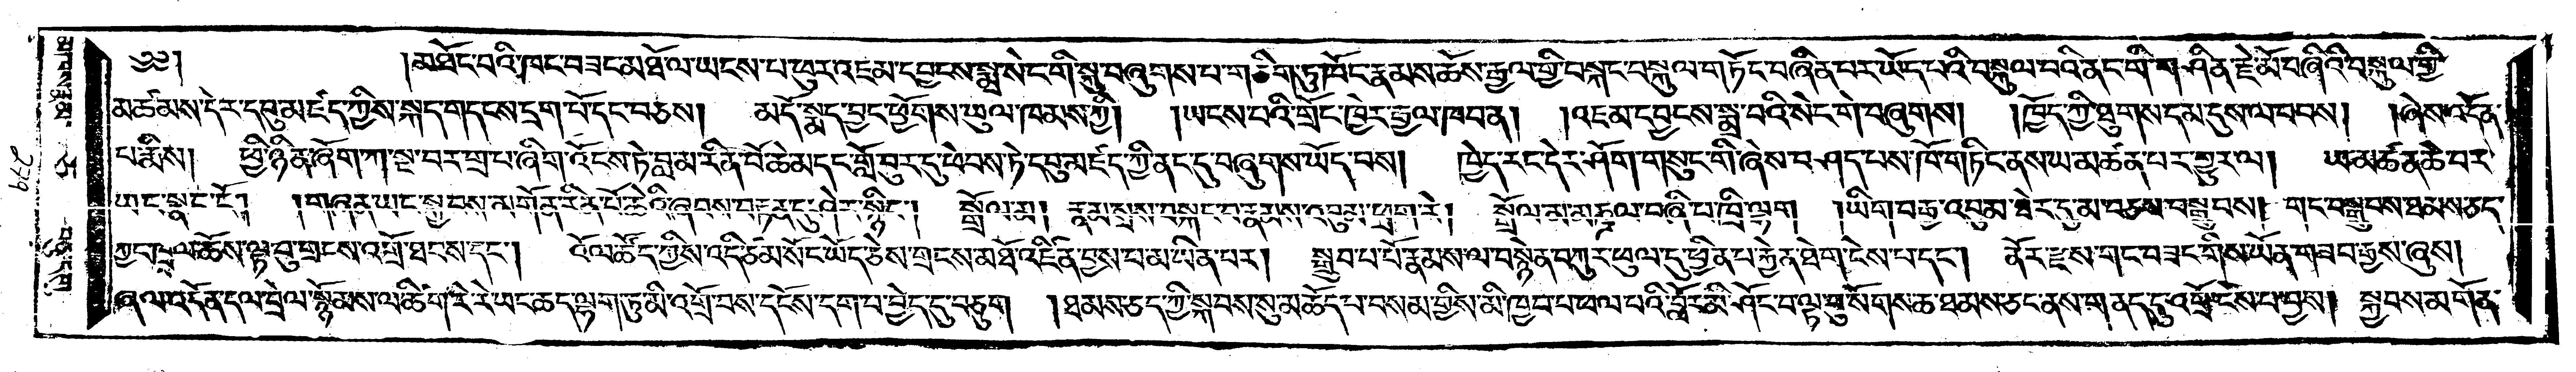༄༅། །མཐོང་བའི་ཁང་བཟང་མཐོལ་ཡངས་པ་ཕུར་འཇམ་དབྱངས་སྨྲ་སེང་གི་སྐུ་བཞུགས་པ་གཅིག་ཏུ་ཁོང་རྣམས་ཆོས་རྒྱལ་གྱི་བསྐང་བསྐུལ་གཏོང་བཞིན་པར་ཡོད་པའི་བསྐུལ་བའི་ནང་གི་གཤིན་རྗེ་མོ་བཞིའི་བསྐུལ་གྱི་
མཚམས་དེར་དབུ་མཛད་ཀྱིས་སྐད་གདངས་དྲག་པོ་དང་བཅས། མདོ་སྨད་བྱང་ཕྱོགས་ཡུལ་ཁམས་ཀྱི། །ཡངས་པའི་གྲོང་ཁྱེར་རྒྱལ་ཁབ་ན། །འཇམ་དབྱངས་སྨྲ་བའི་སེང་གེ་བཞུགས། །ཁྱོད་ཀྱི་ཐུགས་དམ་དུས་ལ་བབས། །ཞེས་འདོན་
པ་རྨིས། ཕྱི་ཉིན་ཞོག་ཀ་སྔ་བར་གྲང་ཞིག་འོངས་ཏེ་བླ་མ་རིན་པོ་ཆེ་མདང་གློ་བུར་དུ་ཕེབས་ཏེ་དབུ་མཛད་ཀྱི་ནང་དུ་བཞུགས་ཡོད་པས། ཁྱེད་རང་དེར་ཤོག་གསུང་གི་ཞེས་བཤད་པས་ཁོ་གཏིང་ནས་ཡ་མཚན་པར་གྱུར་ལ། ཡ་མཚན་ཆེ་བར་
ཡང་སྣང་ངོ། །གཞན་ཡང་སྐྱབས་མགོན་རིན་པོ་ཆེའི་ཞབས་བརྟན་དུ་ཤེར་སྙིང་། སྒྲོལ་མ། རྣམ་སྲས་བསྐང་བ་རྣམས་འབུམ་ཕྲག་རེ། སྒྲོལ་མ་མཎྜལ་བཞི་པ་ཁྲི་ལྷག །ཡིག་བརྒྱ་འབུམ་ཐེར་དུ་མ་བཅས་བསྒྲུབས། གང་བསྒྲུབས་ཐམས་ཅད་
ཀྱང་ཁྲལ་ཆོས་ལྟ་བུ་གྲངས་འགྲོ་ཐབས་དང་། འོལ་ཚོད་ཀྱིས་འདི་ཙམ་སོང་ཡོད་ཅེས་གྲངས་མཐོ་འཛིན་བྱས་པ་མ་ཡིན་པར། སྒྲུབ་པ་པོ་རྣམས་ལ་བསྙེན་བཀུར་ཕུལ་དུ་ཕྱིན་པ་རྐྱེན་ཐེག་ངེས་བ་དང་། ནོར་རྫས་གང་བཟང་གིས་ཡོན་གཟབ་རྒྱས་ཞུས།
ཞལ་འདོན་དལ་བྲེལ་སྙོམས་ལ་ཚིག་རེ་རེ་ཡང་ཆད་ལྷག་ཏུ་མི་འགྲོ་བས་དངོས་དག་པ་བྱེད་དུ་བཅུག །ཐམས་ཅད་ཀྱི་སྐབས་སུ་མཆོད་པ་བསམ་གྱིས་མི་ཁྱབ་པ་ཕལ་བའི་བློར་མི་ཤོང་བ་ལྟ་བུ་སོགས་ཆ་ཐམས་ཅད་ནས་གནད་དུ་འགྲོ་ངེས་པ་བྱས། སྐྱབས་མགོན་